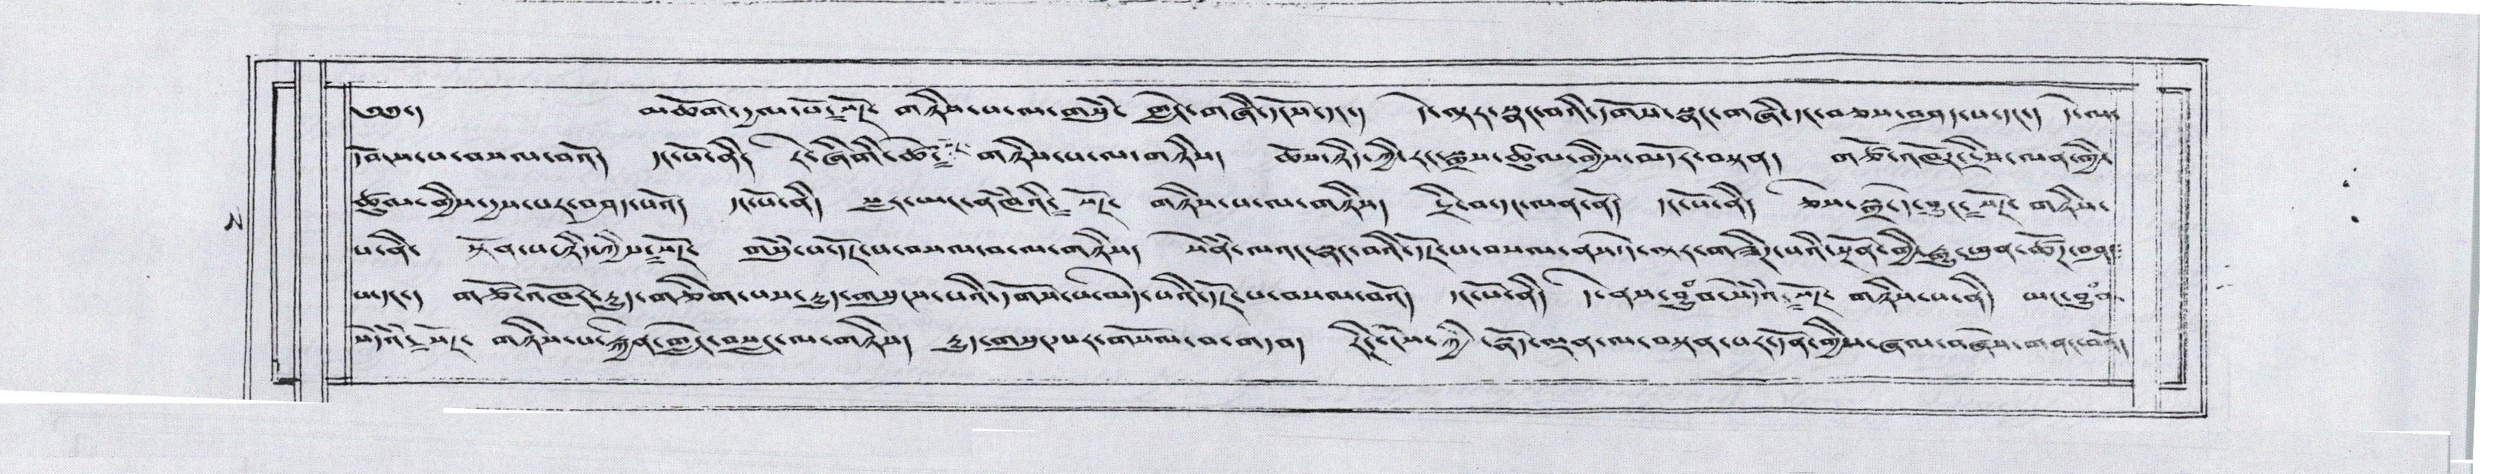མཆོག་རྒྱལ་པོ་་སོགས། གཉིས་པ་ལ་གསུམ། གླེང་གཞི་དངོས་དང། དེ་ལྟར་སྣང་བའི་དགོས་སྣང་གཞི་དང་བཅས་བཤད་པ་དང། དེ་ལ་
དགོས་པ་བསལ་བའོ། དང་པོ་ནི། རེ་ཞིག་གི་ཚེ་་སོགས། གཉིས་པ་ལ་གཉིས། ཆོས་ཉིད་ཀྱི་རང་སྒྲས་ཚུལ་གྱིས་མདོར་བསྟན། གཙོ་འཁོར་དྲིས་ལན་གྱི་
ཚུལ་གྱིས་རྒྱས་པར་བཤད་པའོ། དང་པོ་ནི། སླར་ཡང་ནམ་མཁའི་་སོགས། གཉིས་པ་ལ་གཉིས། དྲི་བ་དང་ལན་ནོ། དང་པོ་ནི། ཅེས་སྒྲ་དེ་བྱུང་་སོགས། གཉིས་
པ་ནི། སྟོན་པ་ཉིད་ཀྱིས་་སོགས། གསུམ་པ་དོགས་པ་བསལ་བ་ལ་གཉིས། སེམས་ཅན་ལའང་སྣང་བའི་དོགས་པ་བསལ་ནས་དེ་ལྟར་གཟིགས་པའི་སྔོན་གྱི་རྒྱུ་ཕུན་ཚོགས་བཤད་
པ་དང། གཙོ་འཁོར་རྒྱུད་གཅིག་པས་རྒྱུད་གསུངས་པའི་དགོས་པ་མེད་པའི་དོགས་པ་བསལ་བའོ། དང་པོ་ནི། དེ་ནས་བྱང་ཆུབ་སེམས་དཔའ་སོགས། གཉིས་པ་ནི། ཡང་བྱང་
ཆུབ་སེམས་དཔའ་སོགས། གཉིས་པ་རྐྱེན་གླེང་བསླང་ལ་གཉིས། རྒྱུད་གསུང་པར་གསོལ་བ་གདབ། རིགས་ངེས་ཀྱི་སྣོད་ལྡན་ལ་བསྟན་པར་དོན་གྱིས་ཞལ་བཞེས་གནང་བའོ།